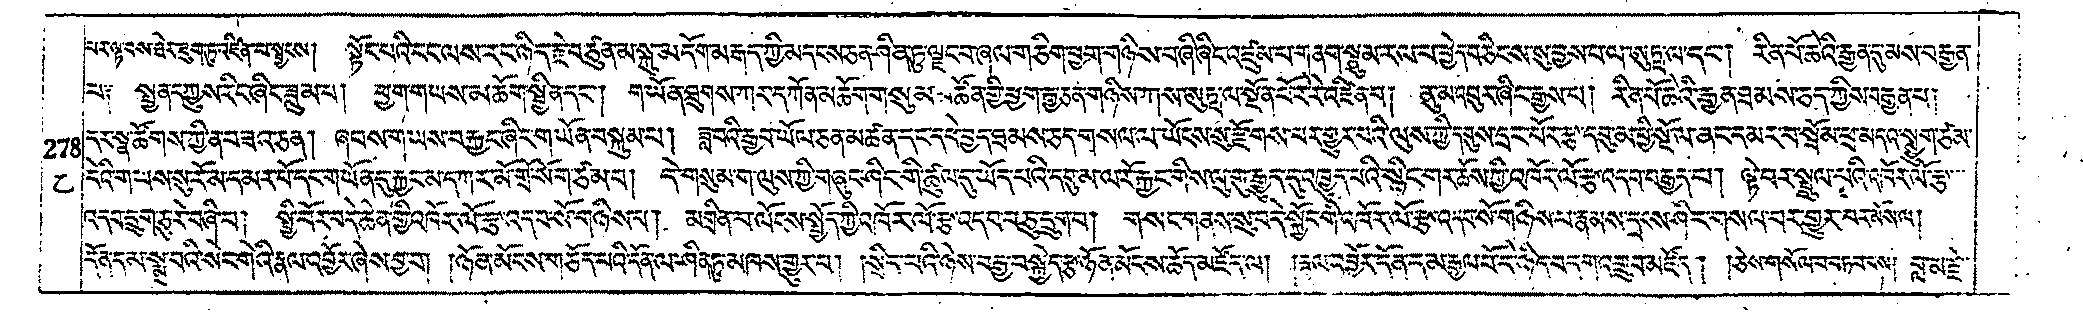པར་ལྟ་བས་ཐེར་ཟུག་ཏུ་འཛིན་པ་སྦྱངས། སྟོང་པའི་ངང་ལས་རང་ཉིད་རྗེ་བཙུན་མ་སྐུ་མདོག་མྲྒད་ཀྱི་མདངས་ཅན་ཤིན་ཏུ་ལྗང་བ་ཞལ་གཅིག་ཕྱག་གཉིས་པ་ཞི་ཞིང་འཛུམ་པ་གནག་སྣུམ་རལ་པ་ཕྱེད་བཅིངས་སུ་བྱས་པ་ལ་ཨུཏྤ་ལ་དང་། རིན་པོ་ཆེའི་རྒྱན་དུ་མས་བརྒྱན་
པ༑ སྤྱན་དཀྱུས་རིང་ཞིང་ཟླུམ་པ། ཕྱག་གཡས་མཆོག་སྦྱིན་དང་། གཡོན་ཐུགས་ཀར་དཀོན་མཆོག་གསུམ་མཚོན་གྱི་ཕྱག་རྒྱ་ཅན་གཉིས་ཀས་ཨུཏྤ་ལ་སྔོན་པོ་རེ་རེ་འཛིན་པ། ནུ་མ་འབུར་ཞིང་རྒྱས་པ། རིན་པོ་ཆེའི་རྒྱན་ཐམས་ཅད་ཀྱིས་བརྒྱན་པ།
དར་སྣ་ཚོགས་ཀྱི་ན་བཟའ་ཅན། ཞབས་གཡས་བརྐྱང་ཞིང་གཡོན་བསྐུམ་པ། ཟླ་བའི་རྒྱབ་ཡོལ་ཅན་མཚན་དང་དཔེ་བྱད་ཐམས་ཅད་གསལ་ལ་ཡོངས་སུ་རྫོགས་པར་གྱུར་པའི་ལུས་ཀྱི་དབུས་དྲང་པོར་རྩ་དབུམ་ཕྱི་སྔོ་ལ་ནང་དམར་བ་སྦོམ་ཕྲ་མདའ་སྨྱུག་ཙམ་
དེའི་གཡས་སུ་རོ་མ་དམར་པོ་དང་གཡོན་དུ་རྐྱང་མ་དཀར་མོ་གྲོ་སོག་ཙམ་པ། དེ་གསུམ་ག་ལུས་ཀྱི་གཞུང་ཤིང་གི་ཚུལ་དུ་ཡོད་པའི་དབུ་མ་ལ་རོ་རྐྱང་གིས་ལུ་གུ་རྒྱུད་དུ་འཁྱུད་པའི་སྙིང་གར་ཆོས་ཀྱི་འཁོར་ལོ་རྩ་འདབ་བརྒྱད་པ། ལྟེ་བར་སྤྲུལ་པའི་འཁོར་ལོ་རྩ་་་
འབད་དྲུག་ཅུ་རེ་བཞི་པ། སྤྱི་བོར་བདེ་ཆེན་གྱི་འཁོར་ལོ་རྩ་འདབ་སོ་གཉིས་པ། མགྲིན་པ་ལོངས་སྤྱོད་ཀྱི་འཁོར་ལོ་རྩ་འདབ་བཅུ་དྲུག་པ། གསང་གནས་སུ་བདེ་སྐྱོང་གི་འཁོར་ལོ་རྩ་འདབ་སོ་གཉིས་པ་རྣམས་དྲངས་ཤིང་གསལ་བར་གྱུར་པར་མོས་ལ།
དོན་དམ་སྨྲ་བའི་སེང་གེའི་རྣལ་འབྱོར་ཞེས་བྱ་བ། །ཉོན་མོངས་གཅོད་པའི་དོན་ལ་ཤིན་ཏུ་མཁས་གྱུར་པ། །སྲིད་པའི་ཉེས་བརྒྱ་བསྐྱེད་རྩ་ཉོན་མོངས་ཆོད་མཛོད་ལ། །རྣལ་འབྱོར་དོན་དམ་རྒྱལ་པོ་དེ་ཉིད་བདག་འགྲུབ་མཛོད། །ཅེས་གསོལ་བ་བཏབ་བས། བླ་མ་རྗེ་་་